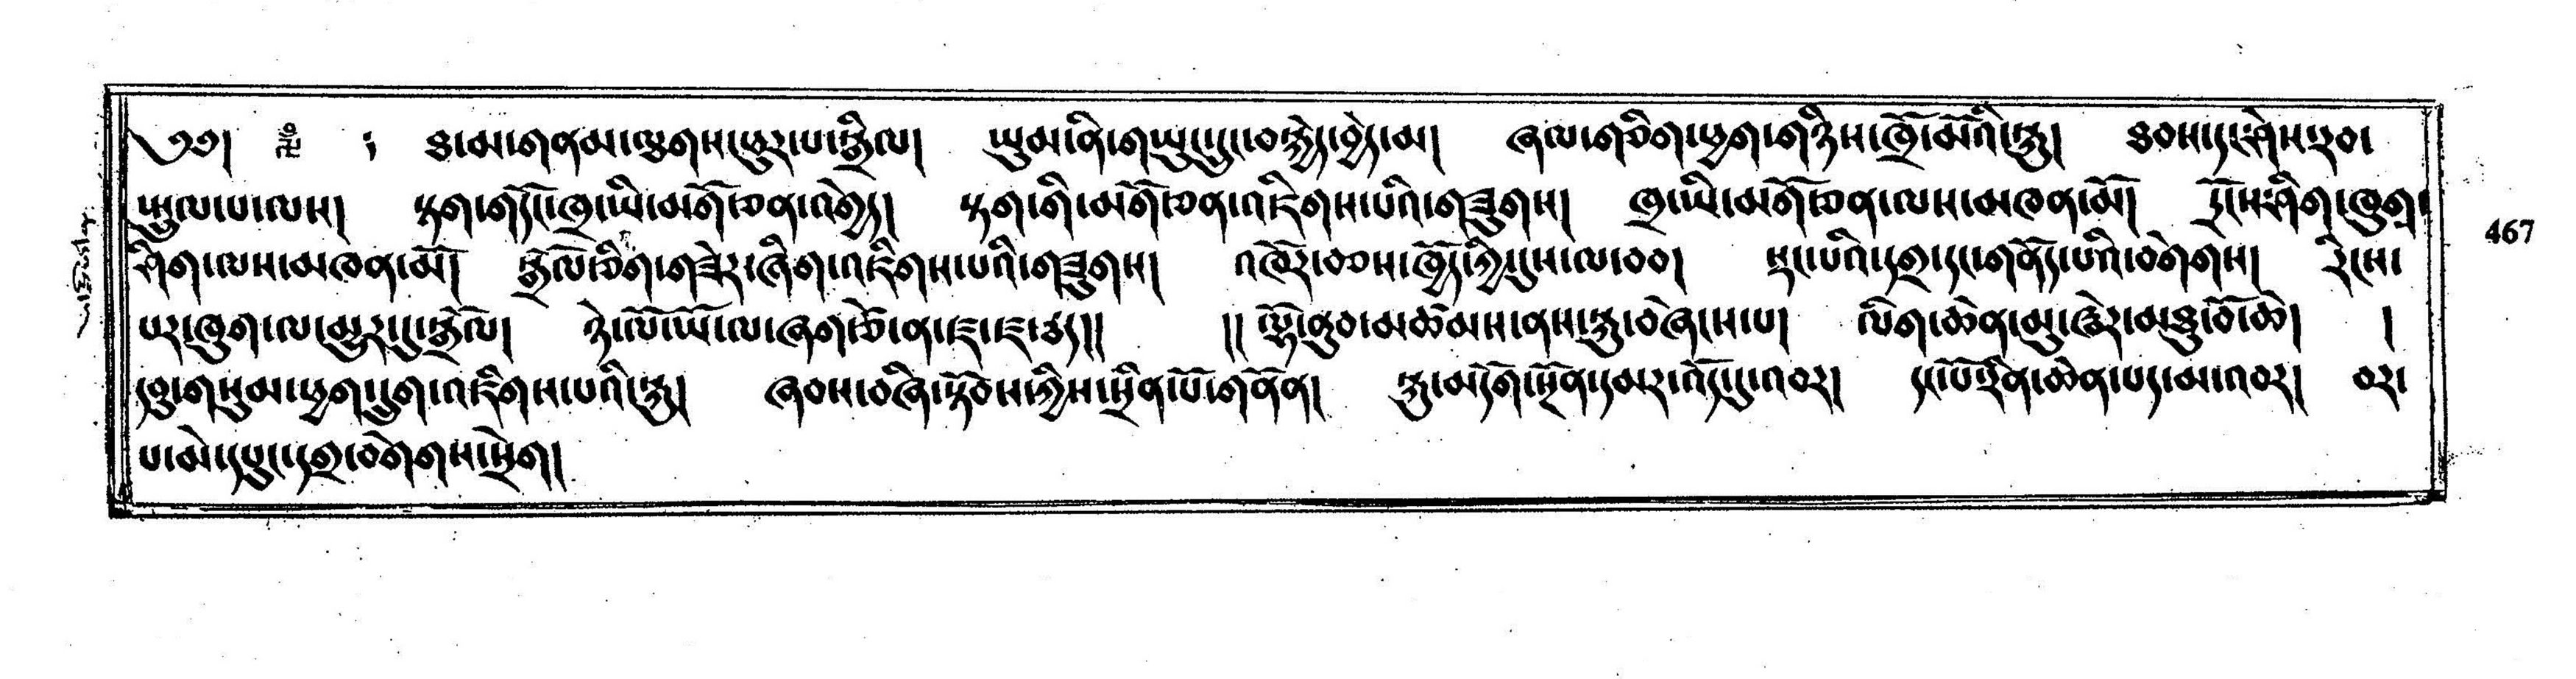࿖ །ཐ་མ་གནམ་ལྕགས་ཕུར་པ་སྒྲིལ། ཡུམ་ནི་གཡུང་དྲུང་བསྐྱེད་བྱེད་མ། ཞལ་གཅིག་ཕྱག་གཉིས་ཁྲོ་མོའི་སྐུ། ཐབས་དང་ཤེས་རབ་
སྤྲུལ་པ་ལས། སྟག་གདོང་ཁྲ་ཡི་མགོ་ཅན་འགྱེད། སྟག་གི་མགོ་ཅན་འཇིགས་པའི་གཟུགས། ཁྲ་ཡི་མགོ་ཅན་ལས་མཁན་མོ། དྲོངས་ཤིག་ཁུགས་
ཤིག་ལས་མཁན་མོ། སྒྲོལ་ཅིག་གཟེར་ཞིག་འཇིགས་པའི་གཟུགས། འཁོར་བཅས་ཁྱོད་ཀྱི་དུས་ལ་བབ། སྡང་པའི་དགྲ་དང་གནོད་པའི་བགེགས། རིངས་
པར་ཁུག་ལ་མྱུར་དུ་སྒྲོལ། ཉེ་ལོ་ཡོ་ལ་ཞག་ཙེ་ན་ཛ་ཛ་རྦད།། ལྷོ་ནུབ་མཚམས་ནས་སྐུ་བཞེངས་པ། ལིག་ཆེན་མུ་ཝེར་མཐུ་བོ་ཆེ། །
དབུ་གསུམ་ཕྱག་དྲུག་འཇིགས་པའི་སྐུ། ཞབས་བཞི་སྟོབས་ཀྱིས་སྲིན་པོ་གནོན། སྐུ་མདོག་སྔོན་དམར་འོད་དུ་འབར། དང་པོ་རིན་ཆེན་པད་མ་འབར། བར་
པ་མེ་དཔུང་དགྲ་བགེགས་སྲེག །